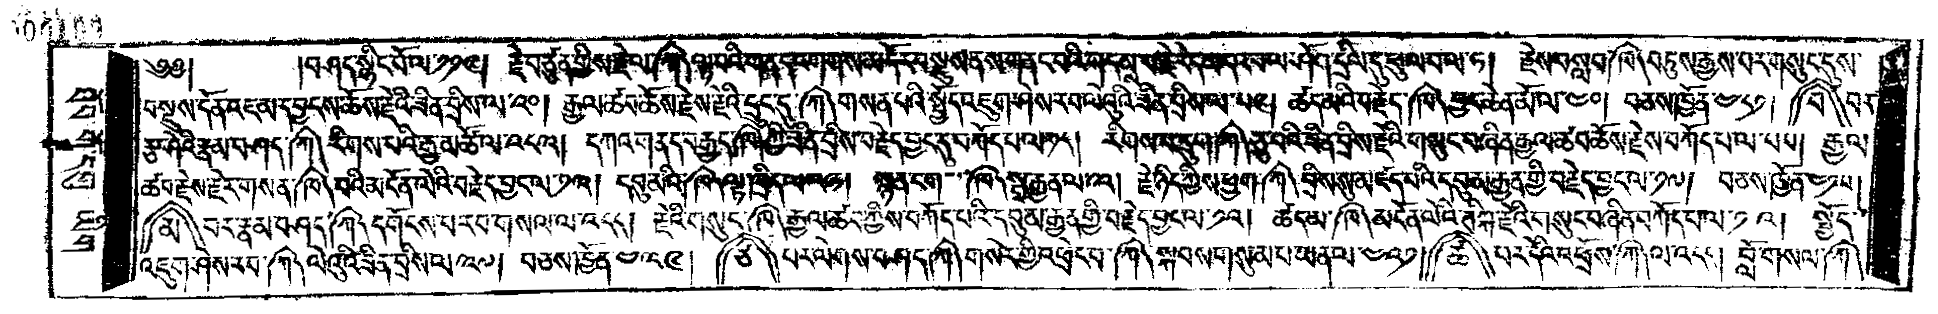༄༅། །བཤད་སྙིང་པོ་ལ ༡༡༩། རྗེ་བཙུན་གྱིས་རྗེ་ལ ༼ཀ༽ ལྟ་བའི་གནད་འགགས་མདོར་བསྡུས་ནས་གནང་བའི་གདམས་པ་རྗེ་རེད་མདའ་པ་ལ་ཤོག་དྲིལ་དུ་ཕུལ་བ་ལ ༦། རྗེས་བསླབ ༼ཁ༽ བཏུས་རྒྱས་པར་གསུང་དུས་
བསྡུས་དོན་འཇམ་དབྱངས་ཆོས་རྗེའི་ཟིན་བྲིས་ལ ༢༠། རྒྱལ་ཚབ་ཆོས་རྗེས་རྗེའི་དྲུང་དུ ༼ཀ༽ གསན་པའི་སྤྱོད་འཇུག་ཤེས་རབ་ལེའུའི་ཟིན་བྲིས་ལ ༥༩། ཚད་མའི་བརྗེད ༼ཁ༽ བྱང་ཆེན་མོ་ལ ༤༠། བཅས་ཁྱོན ༤༨༡། ༼༽བ༼༽ བར་
རྩང་ཤེའི་རྣམ་བཤད ༼ཀ༽ རིགས་པའི་རྒྱ་མཚོ་ལ ༢༨༣། དཀའ་གནད་བརྒྱད ༼ཁ༽ ཀྱི་ཟིན་བྲིས་བརྗེད་བྱང་དུ་བཀོད་པ་ལ ༡༨། རིགས་པ་དྲུག ༼ཀ༽ ཅུ་བའི་ཟིན་བྲིས་རྗེའི་གསུང་བཞིན་རྒྱལ་ཚབ་ཆོས་རྗེས་བཀོད་པ་ལ ༥༥། རྒྱལ་
ཚབ་རྗེས་རྗེར་གསན ༼ཁ༽ པའི་མངོན་ལེའི་བརྗེད་བྱང་ལ ༡༣། དབུ་མའི ༼ཁ༽ ལྟ་ཁྲིད་ལ ༢༦། སྙན་ངག ༼ཁ༽ སྒྲ་རྒྱན་ལ ༣། རྗེ་ཉིད་ཀྱིས་ཕྱག ༼ཀ༽ བྲིས་སུ་མཛད་པའི་དབུ་མ་རྒྱན་གྱི་བརྗེད་བྱང་ལ ༡༧། བཅས་ཁྱོན ༤༡༥།
༼༽མ༼༽ བར་རྣམ་བཤད ༼ཀ༽ དགོངས་པ་རབ་གསལ་ལ ༢༨༨། རྗེའི་གསུང ༼ཁ༽ རྒྱལ་ཚབ་ཀྱིས་བཀོད་པའི་དབུ་མ་རྒྱན་གྱི་བརྗེད་བྱང་ལ ༡༢། ཚད་མ ༼ཁ༽ མངོན་ལེའི་ཊིཀྐ་རྗེའི་གསུང་བཞིན་བཀོད་པ་ལ ༡༢། སྤྱོད་
འཇུག་ཤེས་རབ ༼ཀ༽ ལེའུའི་ཟིན་བྲིས་ལ ༣༧། བཅས་ཁྱོན ༤༣༩། ༼༽ཙ༼༽ པར་ལེགས་བཤད ༼ཀ༽ གསེར་གྱི་འཕྲེང་བ ༼ཀ༽ སྐབས་གསུམ་པ་ཡན་ལ ༤༢༡། ༼༽ཚ༼༽ པར་དེའི་འཕྲོས ༼ཀ༽ ལ་འང་། བློ་གསལ ༼ཀ༽